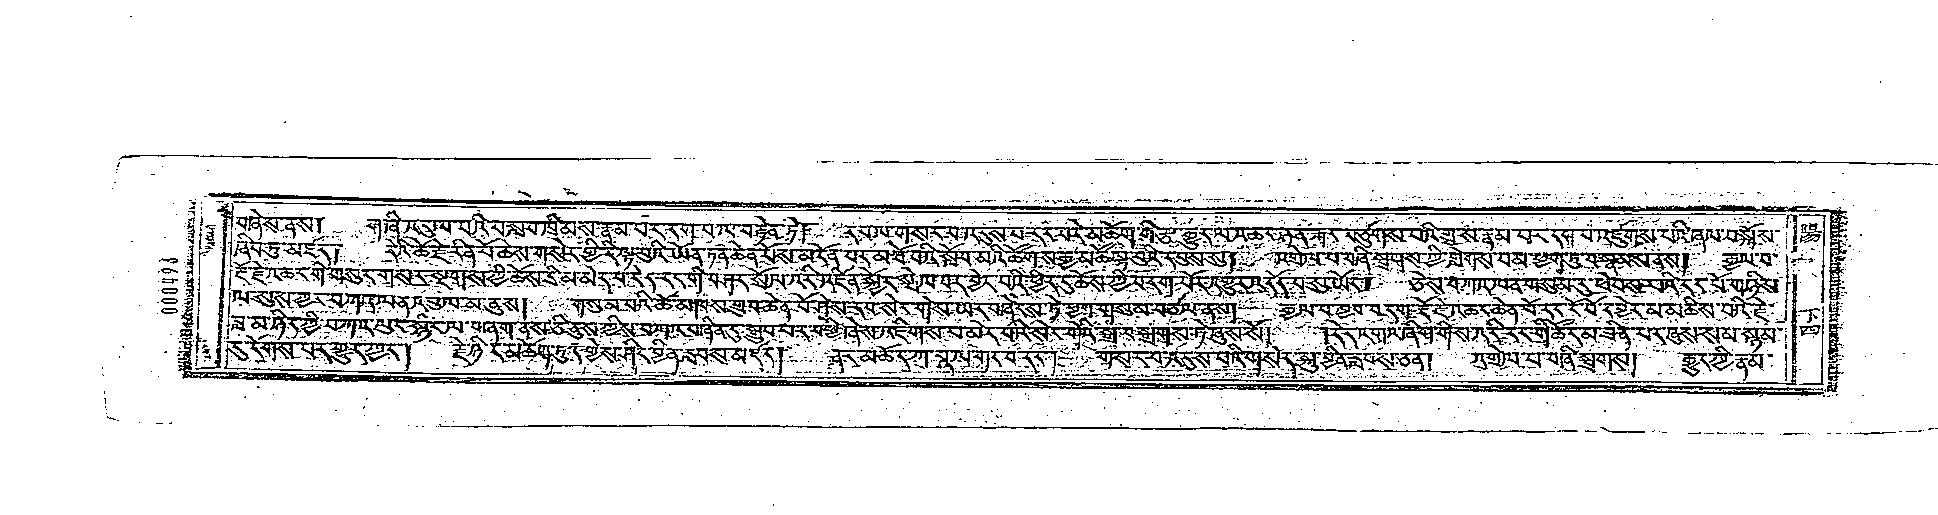བཞེས་ནས། གཞི་འདུལ་པའི་བསླབ་ཁྲིམས་རྣམ་པར་དག་པ་ལ་བརྟེན་ཏེ། དཔལ་གསང་བ་འདུས་པ་རང་བདེ་མཆོག་གི་རྩ་རྒྱུད་ལ་འཆང་ཉན་རྐང་བཙུགས་པའི་གྲྭ་ས་རྣམ་པར་དག་པ་འཛུགས་པའི་ཞལ་བསྐོས་
ཞིབ་ཏུ་མཛད༑ དེའི་ཚེ་རྗེ་རིན་པོ་ཆེས་གསེར་གྱི་རི་ལྟ་བུའི་ཡོན་ཏན་ཆེན་པོས་མངོན་པར་མཐོ་བའི་སློབ་མའི་ཚོགས་རྒྱ་མཚོ་ལྟ་བུའི་དབུས་སུ། འགྲེལ་པ་བཞི་སྦྲགས་ཀྱི་གླེགས་བམ་ཕྱག་ཏུ་བསྣམས་ནས། རྒྱལ་བ་
རྡོ་རྗེ་འཆང་གི་གསུང་གསང་སྔགས་ཀྱི་ཆོས་དྲི་མ་མེད་པ་དེད་རང་གི་བཤད་སྲོལ་འདི་འཛིན་སྐྱོང་སྤེལ་བར་བྱེད་པའི་ཕྱིར་དུ་ཆོས་ཀྱི་བདག་པོར་འགྱུར་འདོད་པ་སུ་ཡོད། ཅེས་བཀའ་ལན་གསུམ་དུ་ཕེབས་པའི་དང་པོ་གཉིས་
ལ་སུས་ཀྱང་བཀའ་ལན་འབུལ་མ་ནུས། གསུམ་པའི་ཚེ་མཁས་གྲུབ་ཆེན་བོ་ཤེས་རབ་སེང་གེས་ཡར་བཞེངས་ཏེ་ཕྱག་གསུམ་བཙལ་ནས། རྒྱལ་བ་ཁྱབ་བདག་རྡོ་རྗེ་འཆང་ཆེན་པོ་དང་ངོ་བོ་དབྱེར་མ་མཆིས་པའི་རྗེ་
བླ་མ་ཉིད་ཀྱི་བཀའ་ལུང་སྙིང་ལ་བཞག་ནས་ཅི་ནུས་ཀྱིས་བཀའ་བཞིན་དུ་སྒྲུབ་པར་བགྱི་ཞེས་འཇིགས་པ་མེད་པའི་སེང་གེའི་སྒྲ་བསྒྲགས་ཏེ་ཞུས་སོ། །དེར་འགའ་ཞིག་གིས་འདི་རང་གི་ཚོད་མ་ཟིན་པར་ཞུས་སམ་སྙམ་
དུ་དོགས་པར་གྱུར་ཀྱང་། རྗེ་ཉིད་མཆོག་ཏུ་དགྱེས་ཤིང་བྱིན་རླབས་མཛད། ནང་མཆོད་ཀ་པཱ་ལ་གང་བ་དང་། གསང་བ་འདུས་པའི་གསེར་སྐུ་བྱིན་རླབས་ཅན། འགྲེལ་པ་བཞི་སྦྲགས། རྒྱུད་ཀྱི་རྣམ་